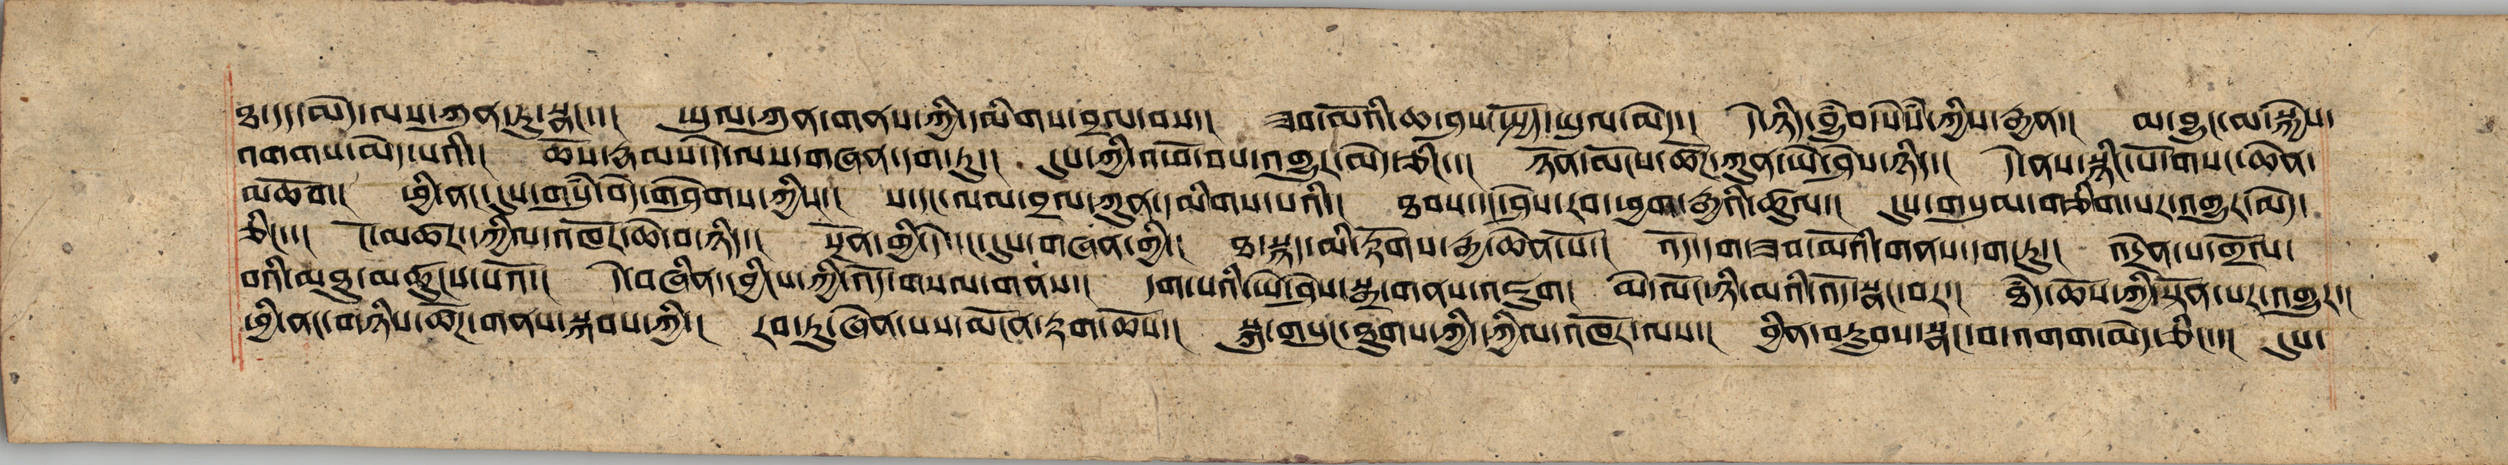ཐ་དད་མེད་ལས་ཀུན་ཏུ་སྣང་་། ཡུལ་ཀུན་གནས་ཀྱི་དམིགས་བྲལ་བས་། ཟབ་མོའི་ཆ་ཤས་སྤྱོད་ཡུལ་མེད་། དེ་ཉིད་བྱུཾབ་སེཾས་ཀྱིས་རྒྱན་། མ་བྱུང་མ་སྐྱེས་
འགགས་མེད་པའི་། ཆོས་རྣམས་དེ་ལས་གཞན་དག་ཏུ་། དུས་ཀྱི་འཕོ་བས་འགྱུར་མེད་ཅིང་་། ཉོན་མོངས་ཚོཌ་ཀུན་ཡེ་ཤེས་ཉིད་། དེ་ནས་སྙིང་པོ་གསང་ཆེན་
མཆོག། ཕྱི་ནང་དུས་གསུཾ་བདེ་གཤེགས་ཀྱིས་། ས་དང་ལམ་བྲལ་ཀུན་དམིགས་པའི་། ཐབས་དང་ཤེས་རབ་ཕྱག་རྒྱའི་ཚུལ་། དུས་གསུམ་གཅིག་པར་འགྱུར་མེད་
ཅིང་་། ངོ་མཚར་དཀྱིལ་འཁོར་ཆེ་བ་ཉིད་། སྔོན་གྱི་དེ་དང་དུས་གཞན་གྱི་། ཐ་སྙད་མི་རྟོགས་རྒྱ་ཆེན་པོ་། འོད་དག་ཟབ་མོའི་གནས་དག་ཏུ་། འདྲེན་པ་གྲོལ་
བའི་མཐུ་མཚུངས་པའོ་། དེ་བཞིན་དབྱིངས་ཀྱི་འོད་གསལ་གནས་། དག་པའི་ཡེ་ཤེས་སྒྲ་གནས་འཇུག། མེ་ལོང་ཉི་མའི་འོད་སྣང་བར་། ཐཾད་ཆོས་ཀྱི་སྟོན་པར་འགྱུར་།
ཕྱི་ནང་གཉིས་ཚོཌ་གནས་སྐབས་ཀྱི་། རབ་ཏུ་ཞེན་པས་མངོན་རྟག་ཆོས་། སྐུ་གསུང་ཐུགས་ཀྱི་དཀྱིལ་འཁོར་ལས་། བྱིན་བརླབས་སྣང་བ་འགག་མེད་ཅིང་་། དུས་